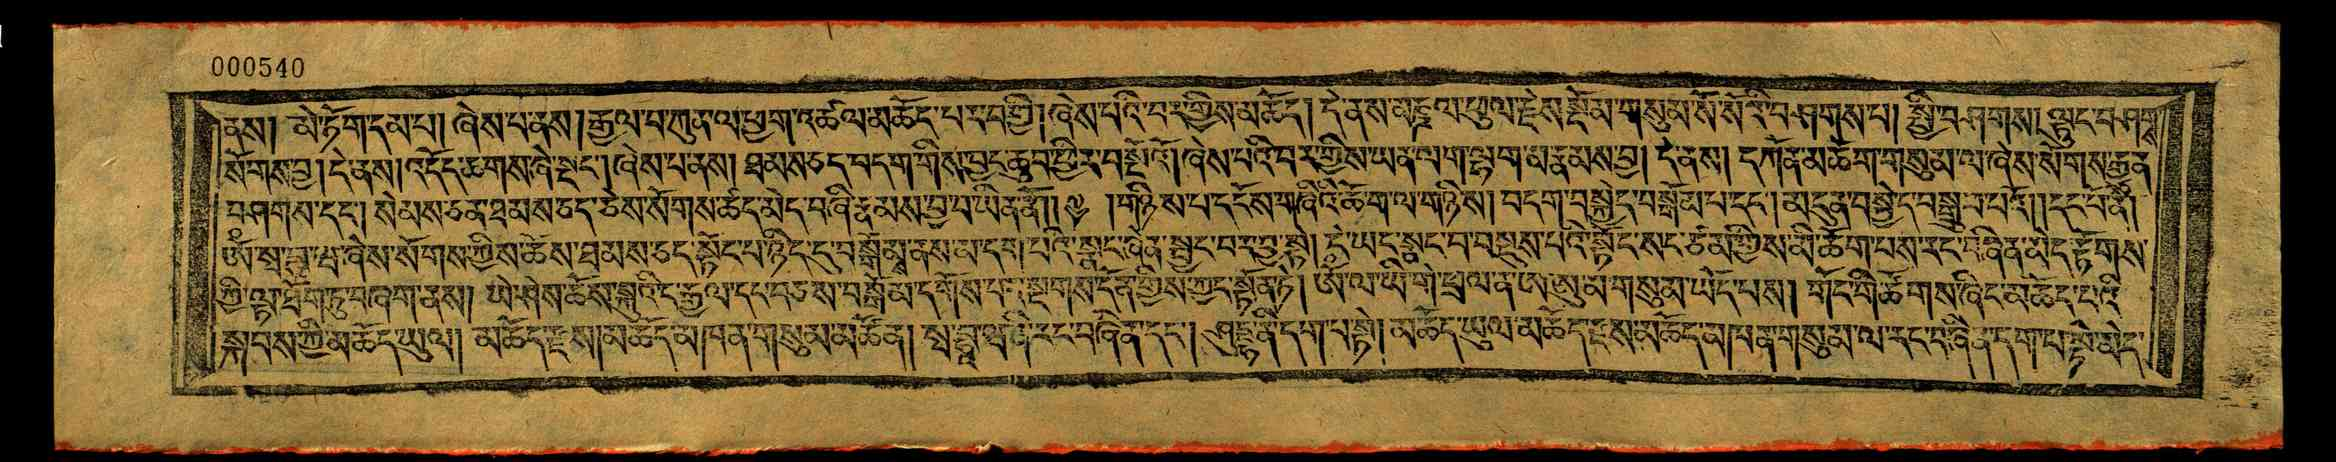ནས༑ མེ་ཏོག་དམ་པ། ཞེས་པ་ནས། རྒྱལ་བ་ཀུན་ལ་ཕྱག་འཚལ་མཆོད་པར་བགྱི། ཞེས་པའི་བར་གྱིས་མཆོད། དེ་ནས་མཎྜལ་ཕུལ་རྗེས་སྡོམ་གསུམ་སོ་སོའི་བཤགས་པ། སྤྱི་བཤགས། ལྟུང་བཤགས་
སོགས་བྱ། དེ་ནས། འདོད་ཆགས་ཞེ་སྡང་། ཞེས་པ་ནས། ཐམས་ཅད་བདག་གིས་བྱང་ཆུབ་ཕྱིར་བསྔོའོ། ཞེས་པའི་བར་གྱིས་ཡན་ལག་ལྷག་མ་རྣམས་བྱ། དེ་ནས། དཀོན་མཆོག་གསུམ་ལ་ཞེས་སོགས་རྒྱུན་
བཤགས་དང་། སེམས་ཅན་ཐམས་ཅད་ཅེས་སོགས་ཚད་མེད་བཞི་རྣམས་བྱ་བ་ཡིན་ནོ།། ༈ །གཉིས་པ་དངོས་གཞིའི་ཆོ་ག་ལ་གཉིས། བདག་བསྐྱེད་བསྒོམ་པ་དང་། མདུན་བསྐྱེད་བསྒྲུབ་པའོ། །དང་པོ་ནི།
ཨོཾ་སྭ་བྷཱ་ཝ་ཞེས་སོགས་ཀྱིས་ཆོས་ཐམས་ཅད་སྟོང་པ་ཉིད་དུ་བསྒོམས་ནས་མ་དག་པའི་སྣང་ཞེན་སྦྱང་བར་བྱ་སྟེ། དེ་ཡང་སྣང་བ་བསྡུས་པའི་སྟོང་སང་ཙམ་གྱིས་མི་ཆོག་པས་རང་བཞིན་མེད་རྟོགས་
ཀྱི་ལྟ་ཐོག་ཏུ་བཞག་ནས། ཡེ་ཤེས་ཆོས་སྐུའི་ང་རྒྱལ་དང་བཅས་བསྒོམ་དགོས་པར་སྔགས་དོན་གྱིས་ཀྱང་སྟོན་ཏེ། ཨོཾ་ལ་ཡི་གེ་ཕྲལ་ན་ཨ་ཨུ་མ་གསུམ་ཡོད་པས། གོང་གི་ཚོགས་ཞིང་མཆོད་པའི་
སྐབས་ཀྱི་མཆོད་ཡུལ། མཆོད་རྫས། མཆོད་མཁན་གསུམ་མཚོན། སྭ་བྷཱ་ཝ་ནི་རང་བཞིན་དང་། ཤུདྡྷ་ནི་དག་པ་སྟེ། མཆོད་ཡུལ་མཆོད་རྫས་མཆོད་མཁན་གསུམ་ལ་རང་བཞིན་དག་པ་སྟེ་མེད་